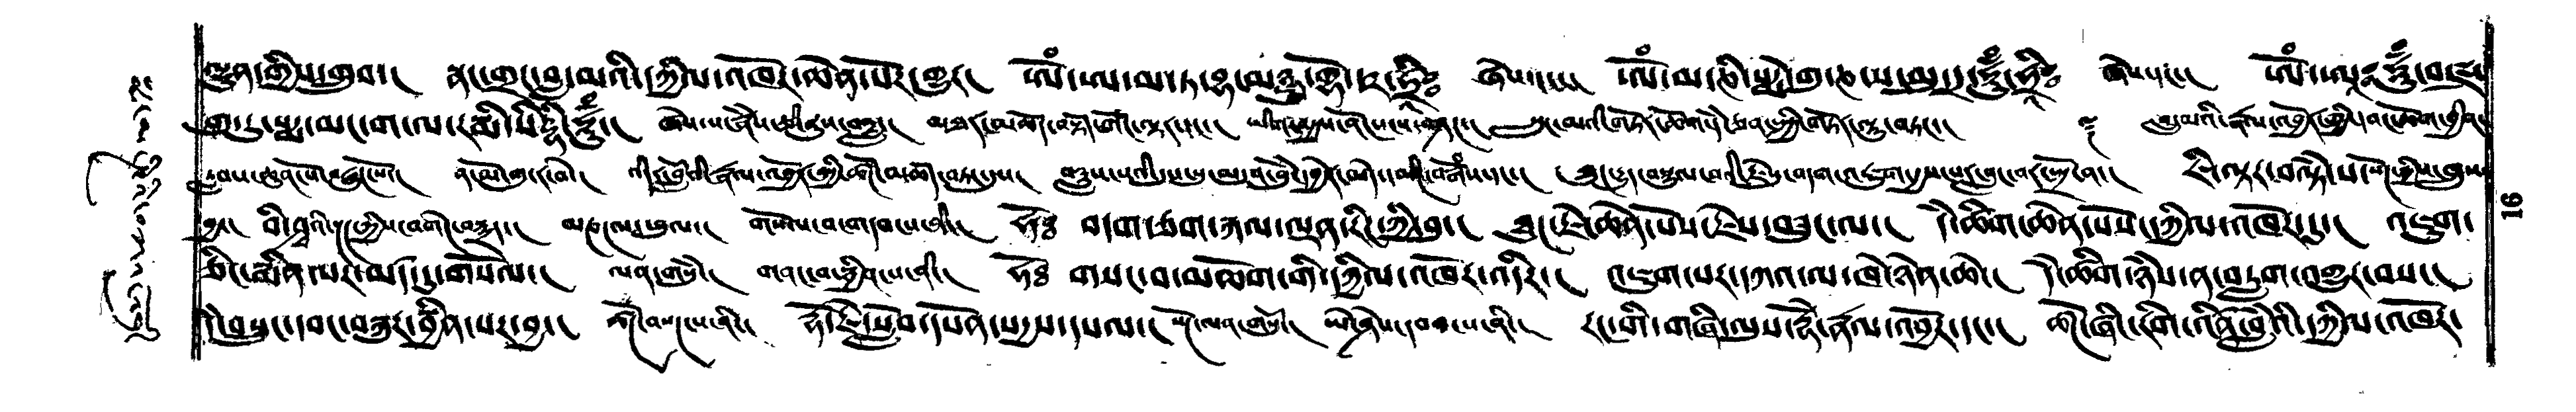ལྷུན་གྱིས་གྲུབ། །སྣང་གྲགས་བླ་མའི་དཀྱིལ་འཁོར་ཆེན་པོར་གྱུར། ཨོཾ་ཨ་མི་ཏ་བྷ་མཉྫུ་གྷོ་ར་ཧྲཱིཿ ཞེས་དང་། ཨོཾ་མ་ཎི་པདྨེ་གུ་ཎ་ས་མུ་དྲ་ཧཱུྃ་ཧྲཱིཿ ཞེས་དང་། ཨོཾ་ཨཱཿཧཱུྃ་བཛྲ་
གུ་རུ་པདྨ་མངྒ་ལ་རསྨི་སིདྡྷི་ཧཱུཾཿ ཞེས་པ་རྣམས་ཅི་ནུས་བཟླ། མཐར་མཆོད་བསྟོད་གོང་ལྟར་དང་། ཡིག་བརྒྱས་ནོངས་པ་བཤགས། སྲུང་མའི་གཏོར་ཆོག་དམ་ཅན་སྤྱི་གཏོར་ལྟ་བུ་གཏང་། ༈ བླ་མའི་རྣལ་འབྱོར་གྱི་དབང་ཆོག་བྱིན་
རླབས་ཆུན་པོ་བཞུགས་སོ།། ན་མོ་གུ་ར་བྷྱཿ འདིར་བླ་མའི་རྣལ་འབྱོར་ཀྱི་ཚོགས་མཆོད་གཏོང་དུས།བཟླས་པའི་དུས་སུ་མདུན་བུམ་དབྱེར་མེད་དམིགས་བསྒོམ་དང་། ཐུགས་རྒྱུད་བསྐུལ་བའི་རྗེས་སུ་བདག་འཇུག་རྒྱས་པར་བླང་བར་སྤྲོ་ན། ཇི་ལྟར་བལྟམ་པ༴ སོགས་ཀྱིས་ཁྲུས་
བྱ། བི་ཤྭའི༴ སྔགས་ཀྱིས་བགེགས་བསྐྲད། མཎྜལ་ཕུལ། གསོལ་བ་གདབ་པ་ནི། ཧོ། བདག་ཅག་སྐལ་ལྡན་རིགས་ཀྱི་བུ། །ཐུགས་རྗེ་ཆེན་པོས་རྗེས་བཟུང་ལ། །དམ་ཚིག་ཆེན་པོའི་དཀྱིལ་འཁོར་དུ། །འཇུག་
ཅིང་སྨིན་པར་མཛད་དུ་གསོལ། །ལན་གསུམ། གནང་བ་སྦྱིན་པ་ནི། ཧོ། གསང་བ་མཆོག་གི་དཀྱིལ་འཁོར་འདིར། །འཇུག་པར་དཀའ་ལ་ཁེ་ཉེན་ཆེ། །དམ་ཚིག་ཉམས་ན་བརླག་འགྱུར་བས། །
དམ་བསྲུང་དབང་བསྐུར་སྦྱིན་པར་བྱ། །ཚོགས་བསོག་པ་ནི། རྡོ་རྗེ་སློབ་དཔོན་སངས་རྒྱས་དཔལ༴ སོགས་ལན་གསུམ། ཡེ་ཤེས་དབབ་པ་ནི། རང་གི་གཞི་ལུས་རྡོ་རྗེ་རྣལ་འབྱོར་དང་། །ཚོགས་ཞིང་རིག་འཛིན་བླ་མའི་དཀྱིལ་འཁོར་